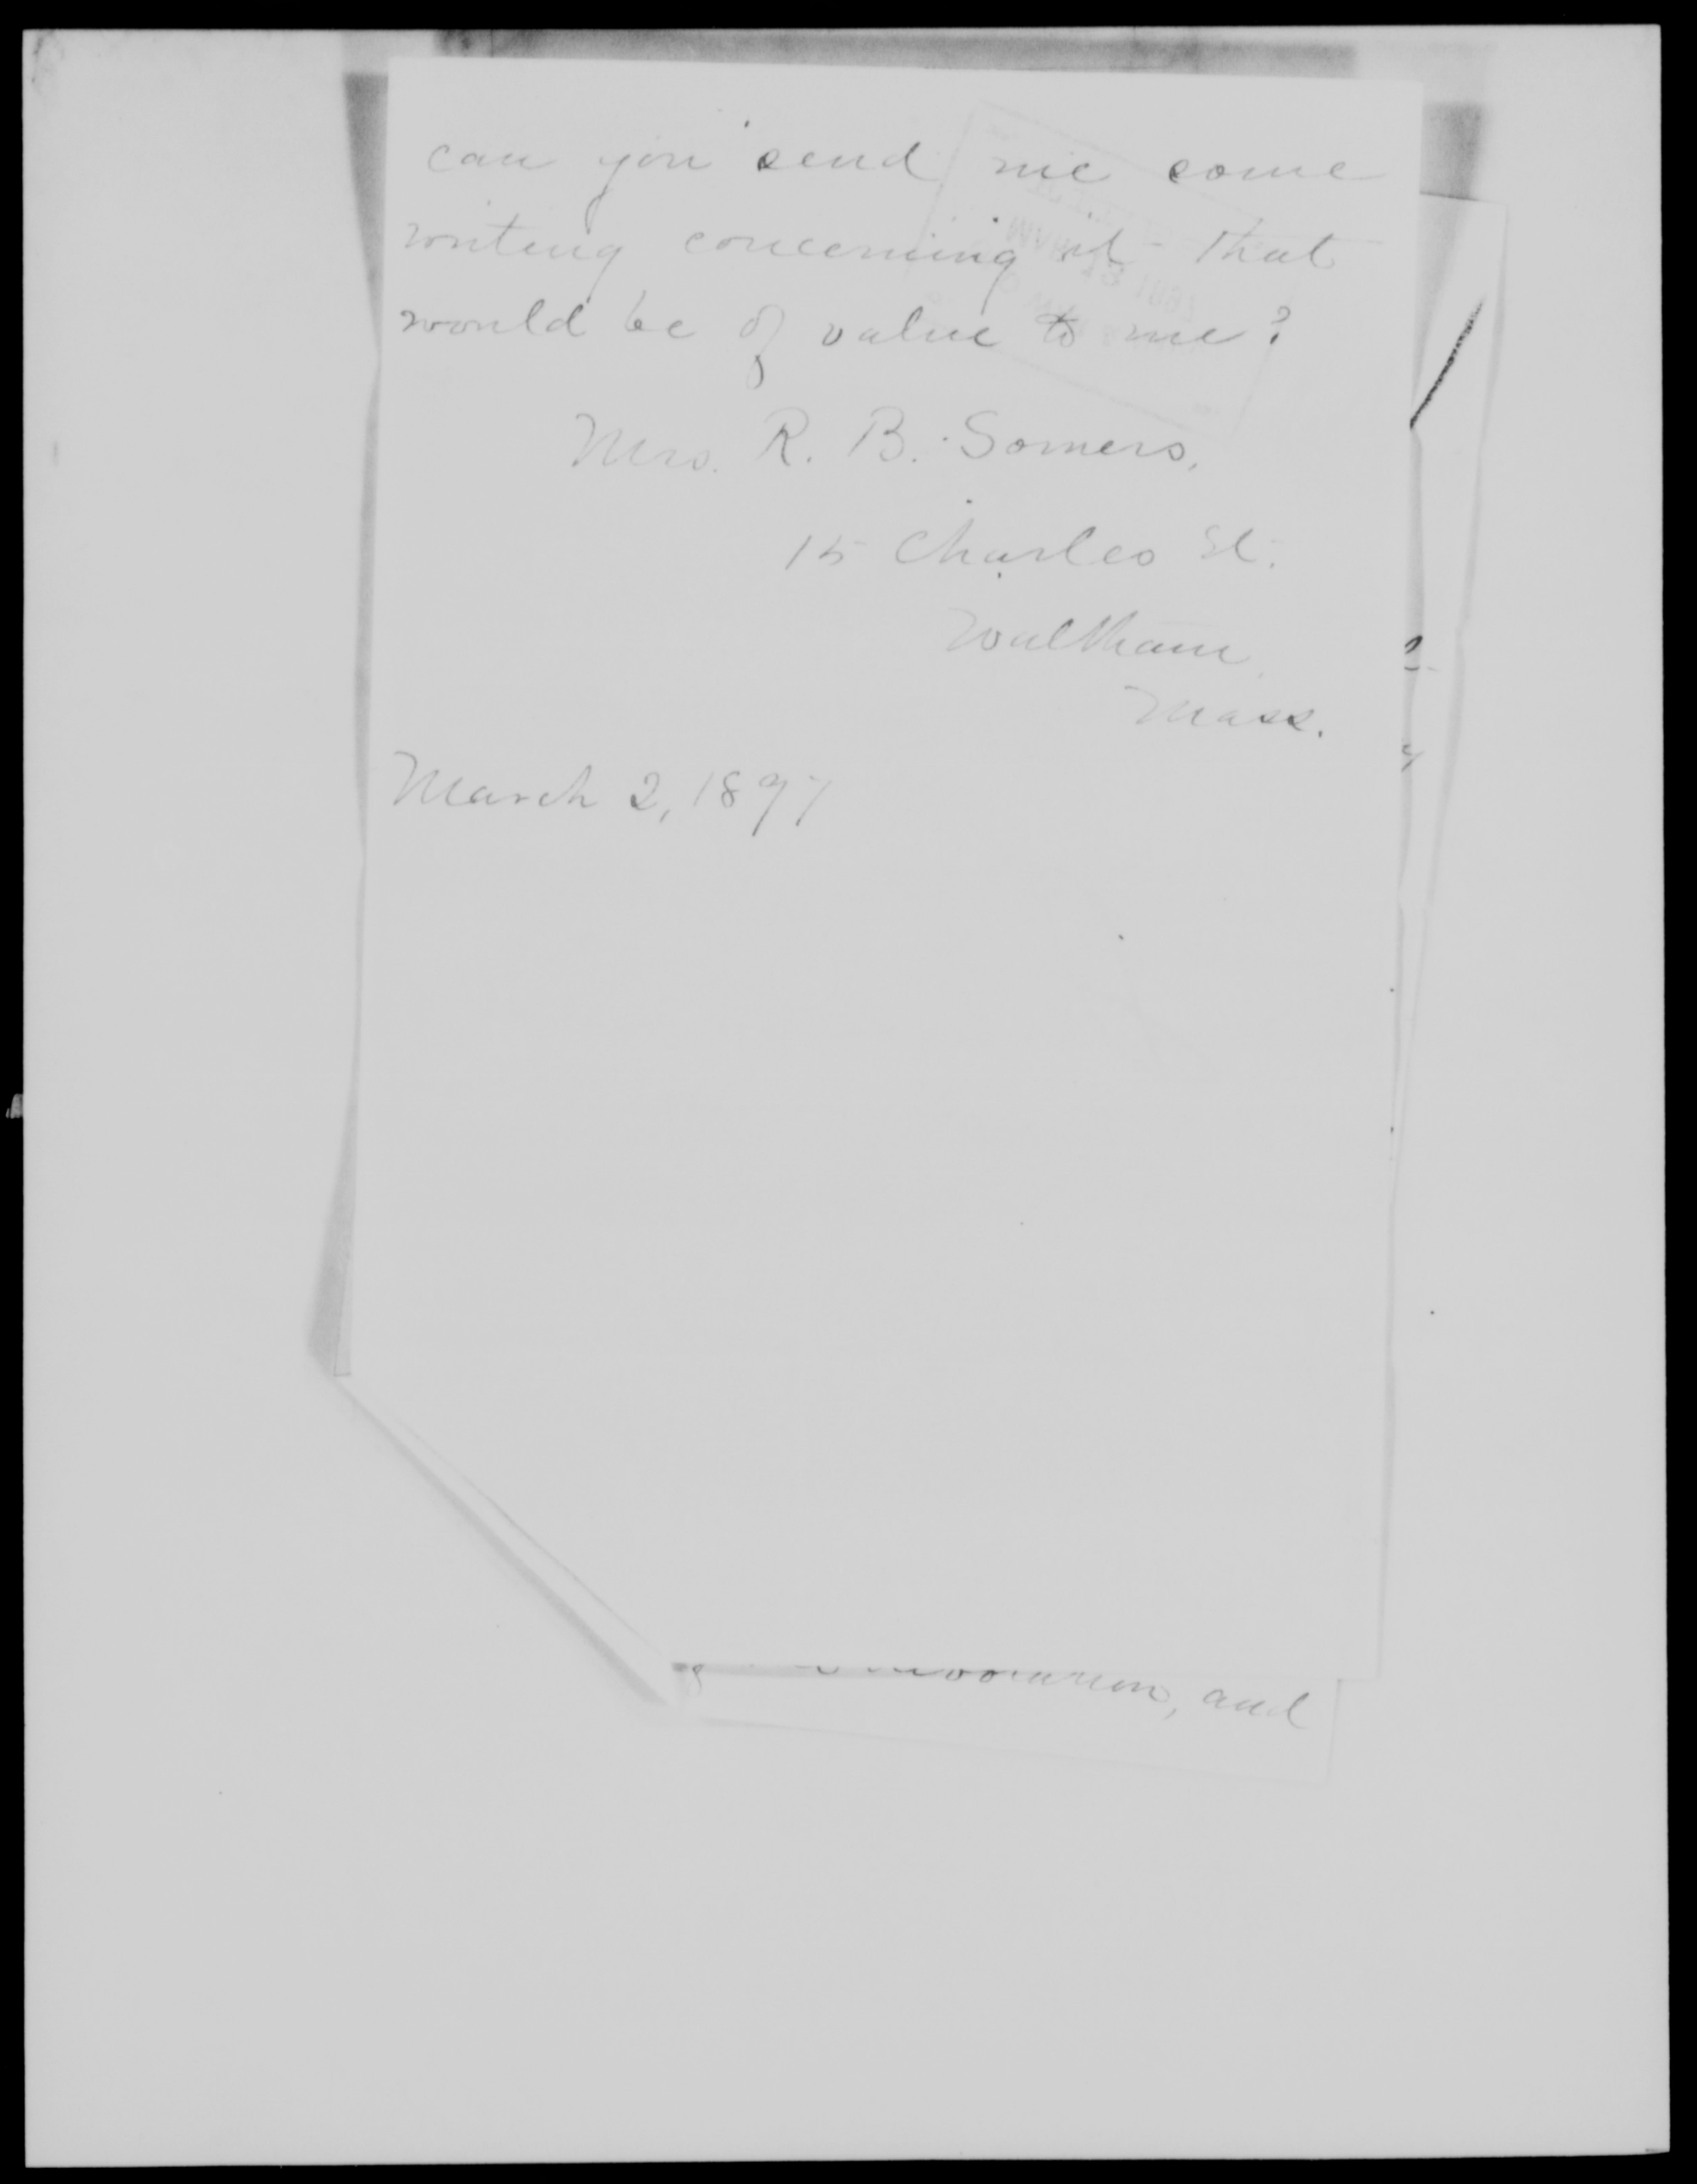can you send me some
writing concerning (illegible) that
would be of value to me?

Mrs. R. B. Somers
13 Charles St.
Waltham
Mass.

March 2, 1897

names: R B Somers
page: 18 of 34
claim: survivor's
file: S. 41337, Jared Wilcox, Continental Mass.